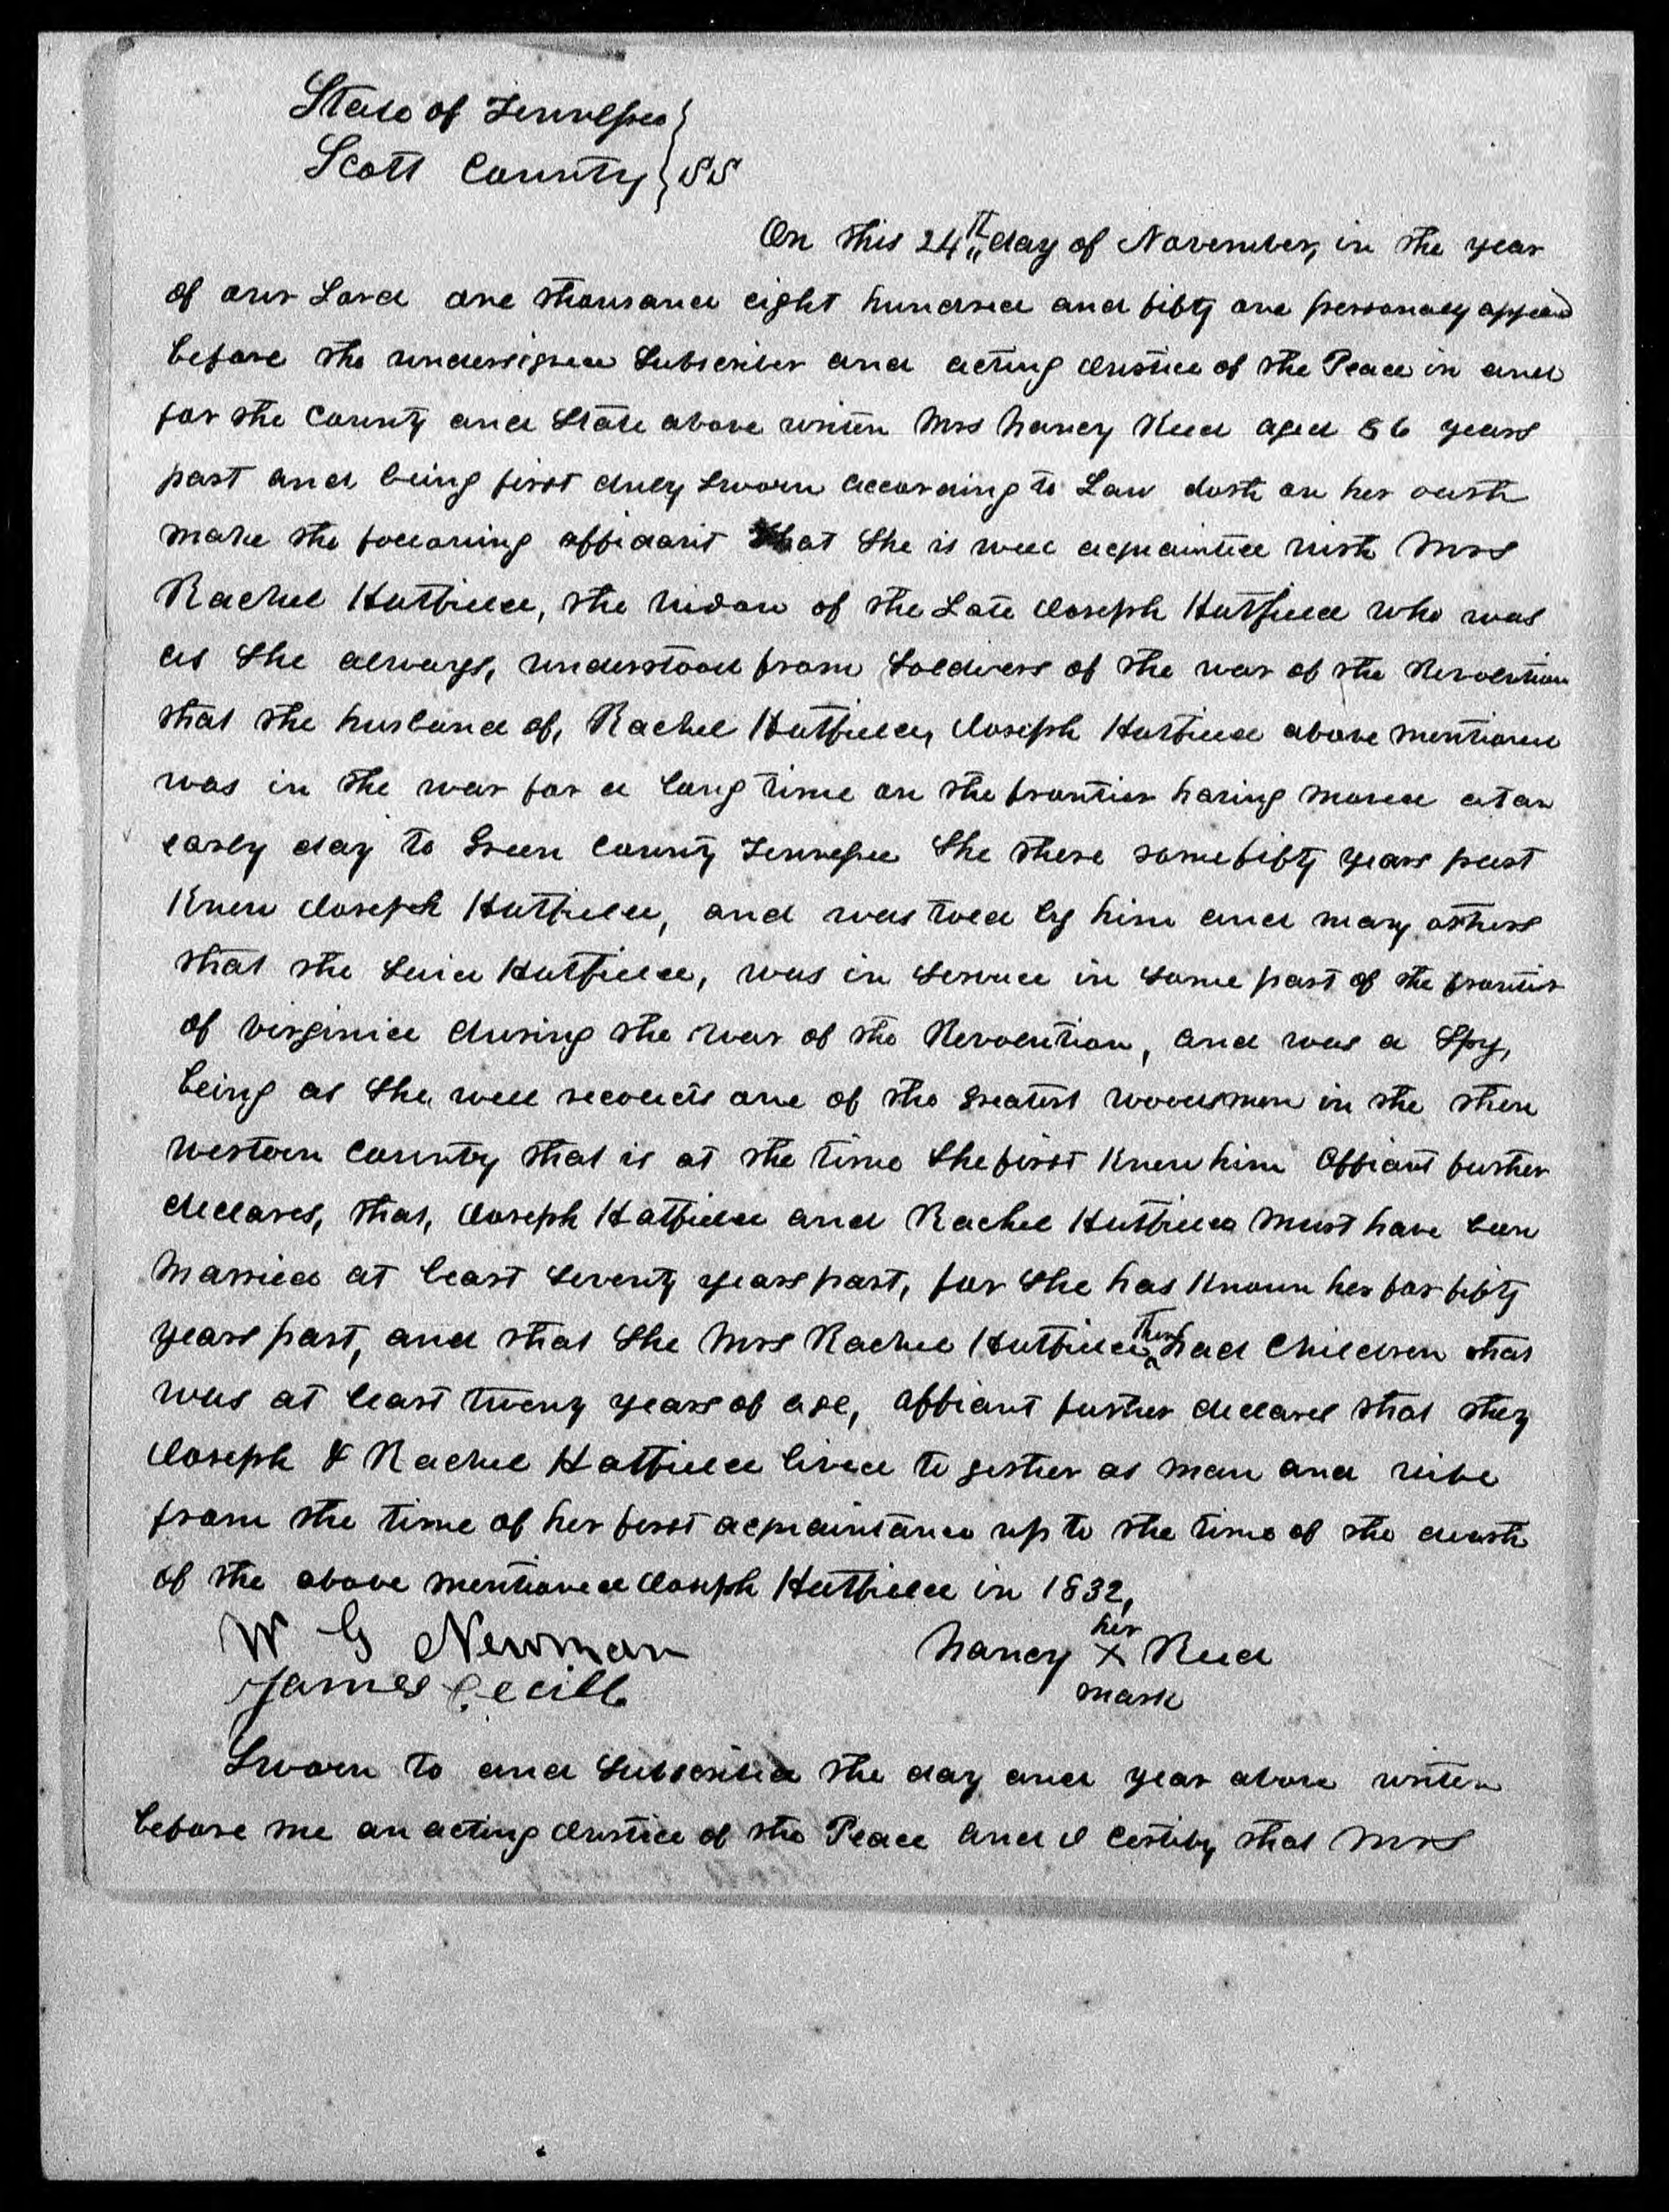State of Tennessee
Scott County} SS
On this 24th day of November, in the year
of our Lord one thousand eight hundred and fifty one personally appeared before the undersigned Subscriber and acting Justice of the Peace in and for the County and State above written Mrs. Nancy Reed aged 56 years past and being first duly sworn according to Law doth on her oath make the following affidavit that She is well acquainted with Mrs. Rachel Hatfield, the widow of the Late Joseph Hatfield who was as she always, understood from Soldiers of the war of the Revolution that the husband of Rachel Hatfield, Joseph Hatfield above mentioned was in the war for a long time on the frontier having moved at an early day to Green County Tennessee She there some fifty years past Knew Joseph Hatfield, and was wed by him and many others that the Said Hatfield, was in Service in some part of the frontier of Virginia during the war of the Revolution, and was a Spy, being as she well recolects one of the Greatest woodmen in the then Western Country that is at the time she first knew him Affiant further declares, that, Joseph Hatfield and Rachel Hatfield must have been Married at least seventy years past, for she has known her for fifty years past, and that She Mrs. Rachel Hatfield They had Children that was at least twenty years of age, Affiant further declares that they Joseph & Rachel Hatfield lived together as man and wife from the time of her best [illegible] up to the time of the death of the above mentioned Joseph Hatfield in 1832,
W G Newman Nancy Reed x her mark
James Cecilll
Sworn to and Subscribed the day and year above written before me an acting Justice of the Peace and I certify that Mrs.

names: Joseph Hatfield, James Cecill, Joseph Hatfield, Rachel Hatfield, Joseph Hatfield, Rachel Hatfield, Nancy Reed, Nancy Reed, Rachel Hatfield, Hatfield, Rachel Hatfield, W G Newman, Joseph Hatfield, Rachel Hatfield, Joseph Hatfield, Joseph Hatfield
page: 52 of 74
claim: widow's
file: W. 5, Joseph Hatfield, Va.